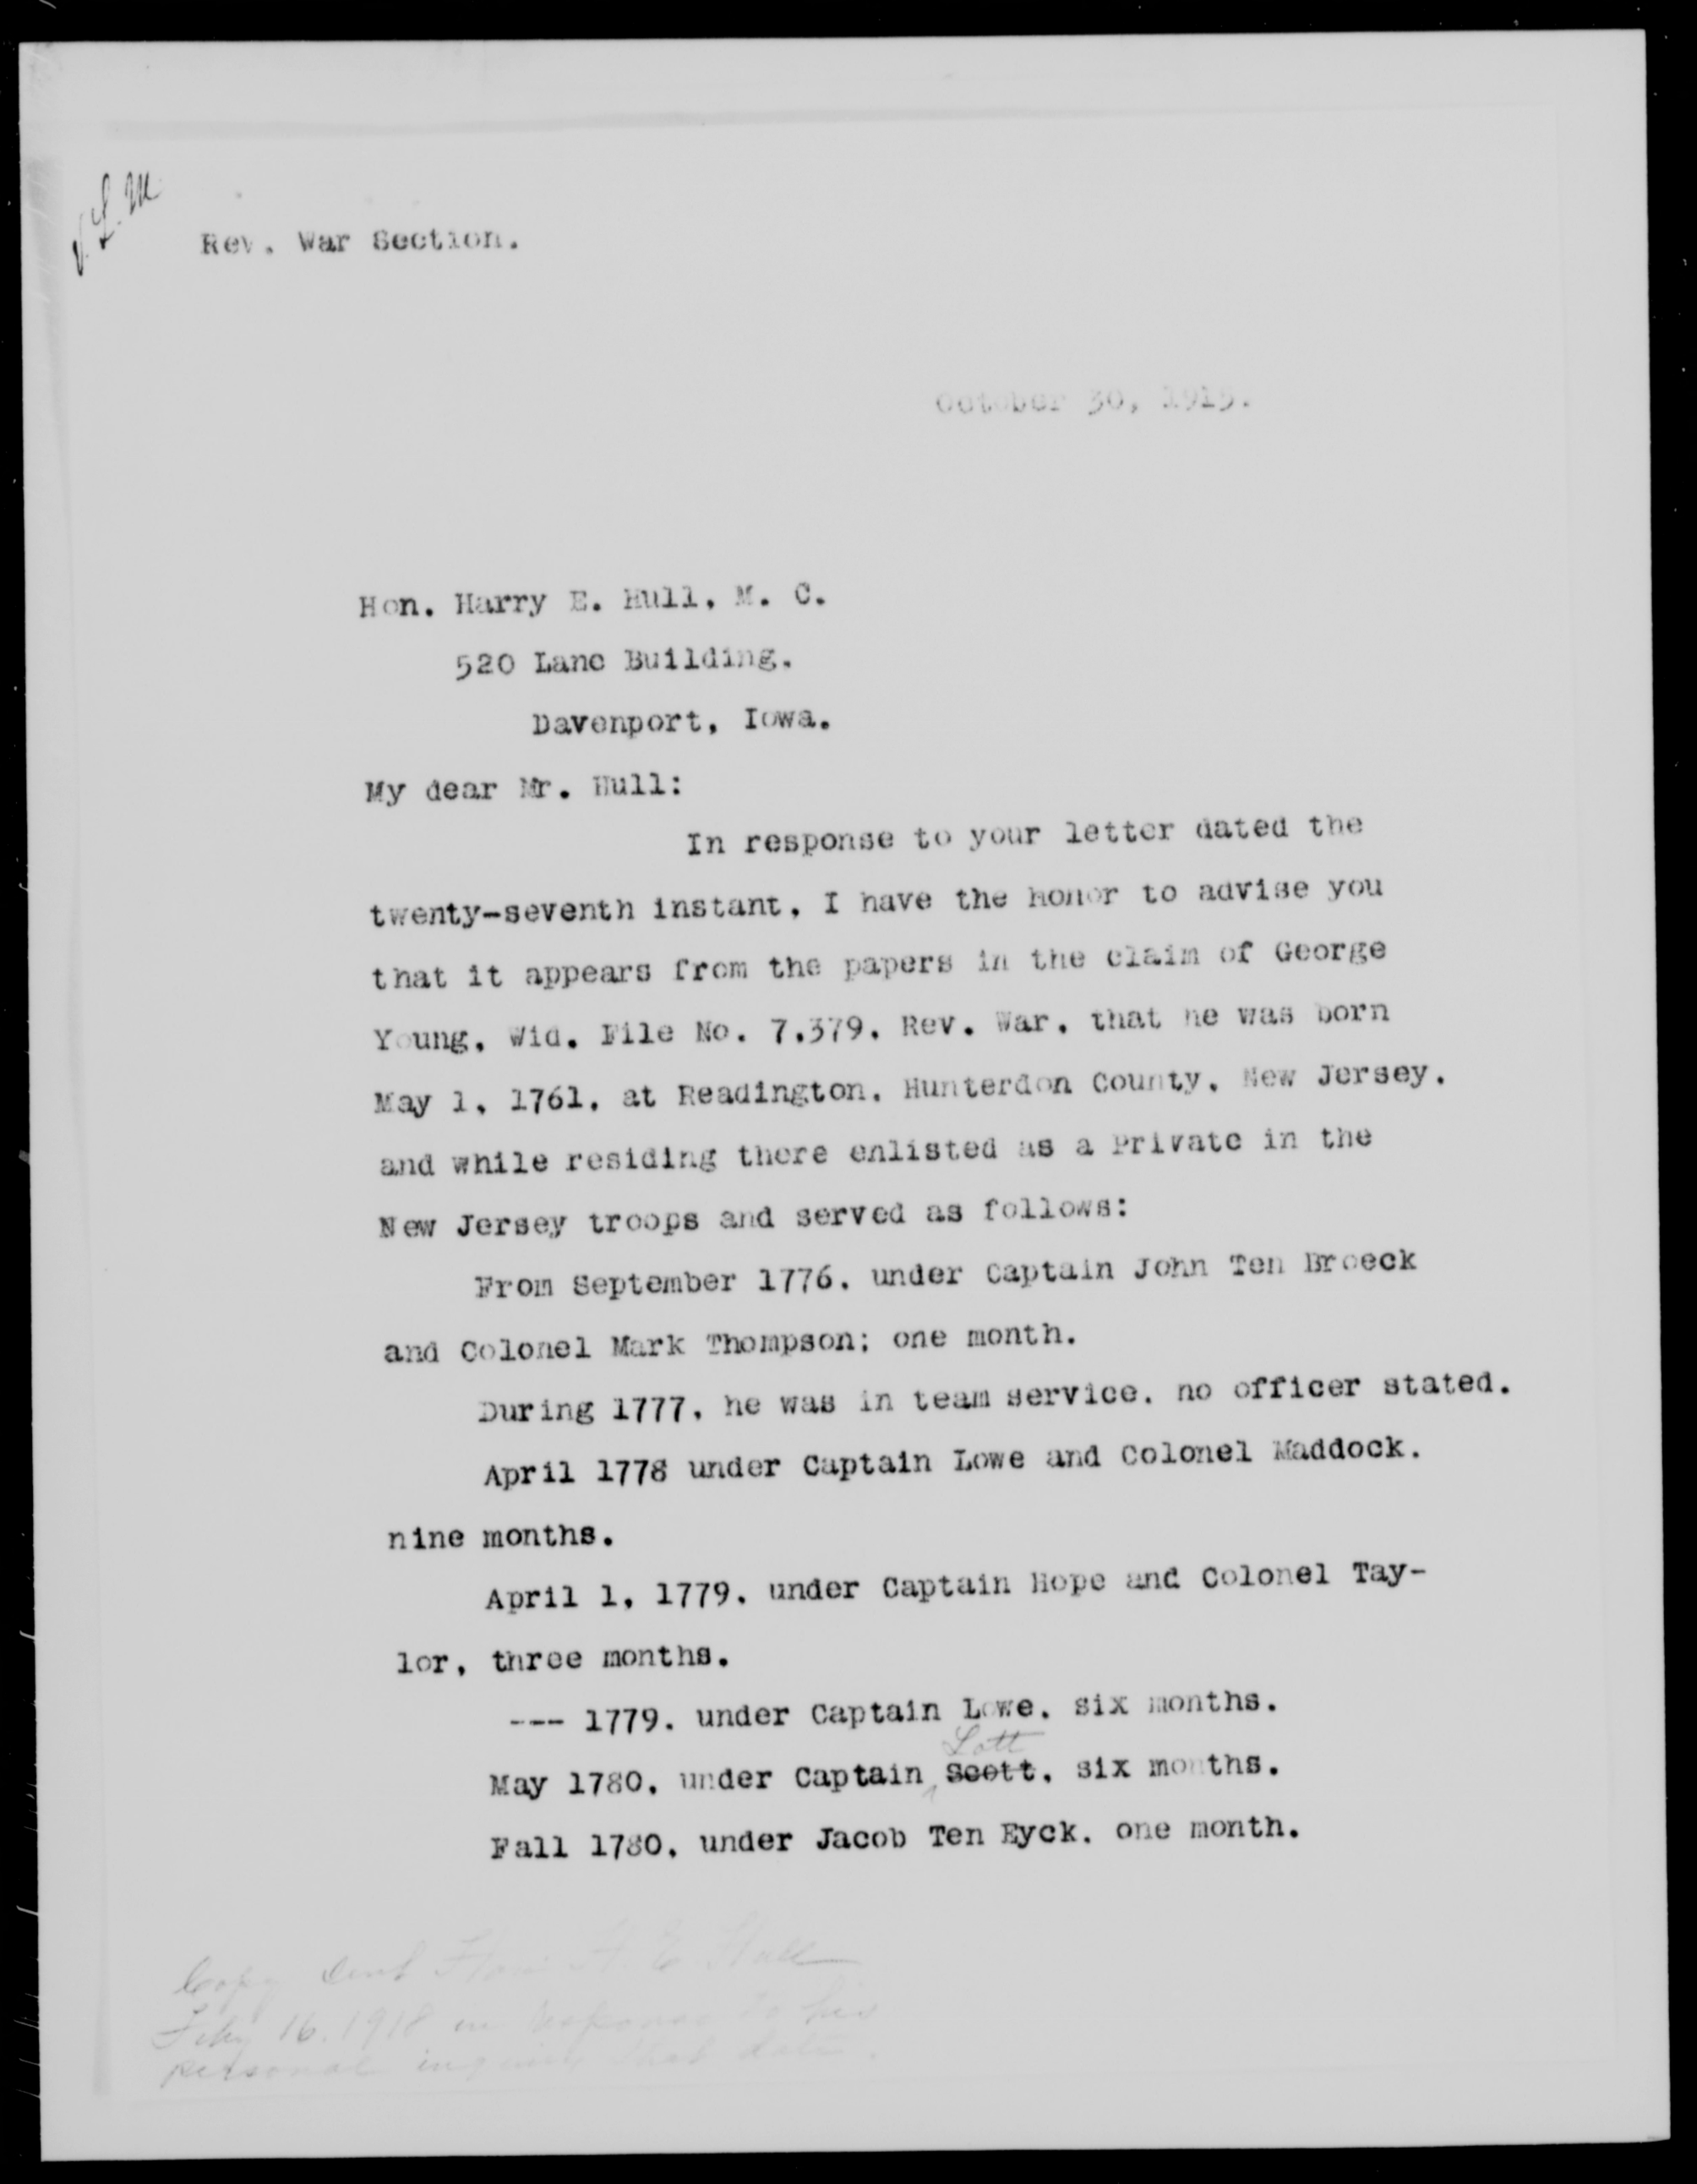Rev. War Section.
Hon. Harry E. Hull, M.C.
520 Lane Building.
Davenport, Iowa.
My dear Mr. Hull:
,
In response to your letter dated the
twenty-seventh instant, I have the honor to advise you
that it appears from the papers in the claim of George
Young, Wid. File No. 7,379, Rev. War, that he was born
May 1, 1761, at Readington, Hunterdon County, New Jersey.
and while residing there enlisted as a private in the
New Jersey troops and served as follows:
From September 1776, under Captain John Ten Broeck
and Colonel Mark Thompson; one month.
During 1777, he was in team service, no officer stated.
April 1778 under Captain Lowe and Colonel Maddock.
nine months.
April 1, 1779, under Captain Hope and Colonel Taylor
, three months.
1779, under Captain Lowe, six months.
Lott
May 1780, under Captain Scott, six months.
Fall 1780, under Jacob Ten Eyck, one month.
-
Copy sent to
a
Feby 16, 1918 in of
personal in
---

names: Lowe, Taylor, Sott, Harry E Hull, Jacob Ten Eyck, Hope, John Ten Broeck, Maddock, Scott, Mark Thompson, George Young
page: 30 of 67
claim: widow's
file: W. 7379, George Young, New Jersey